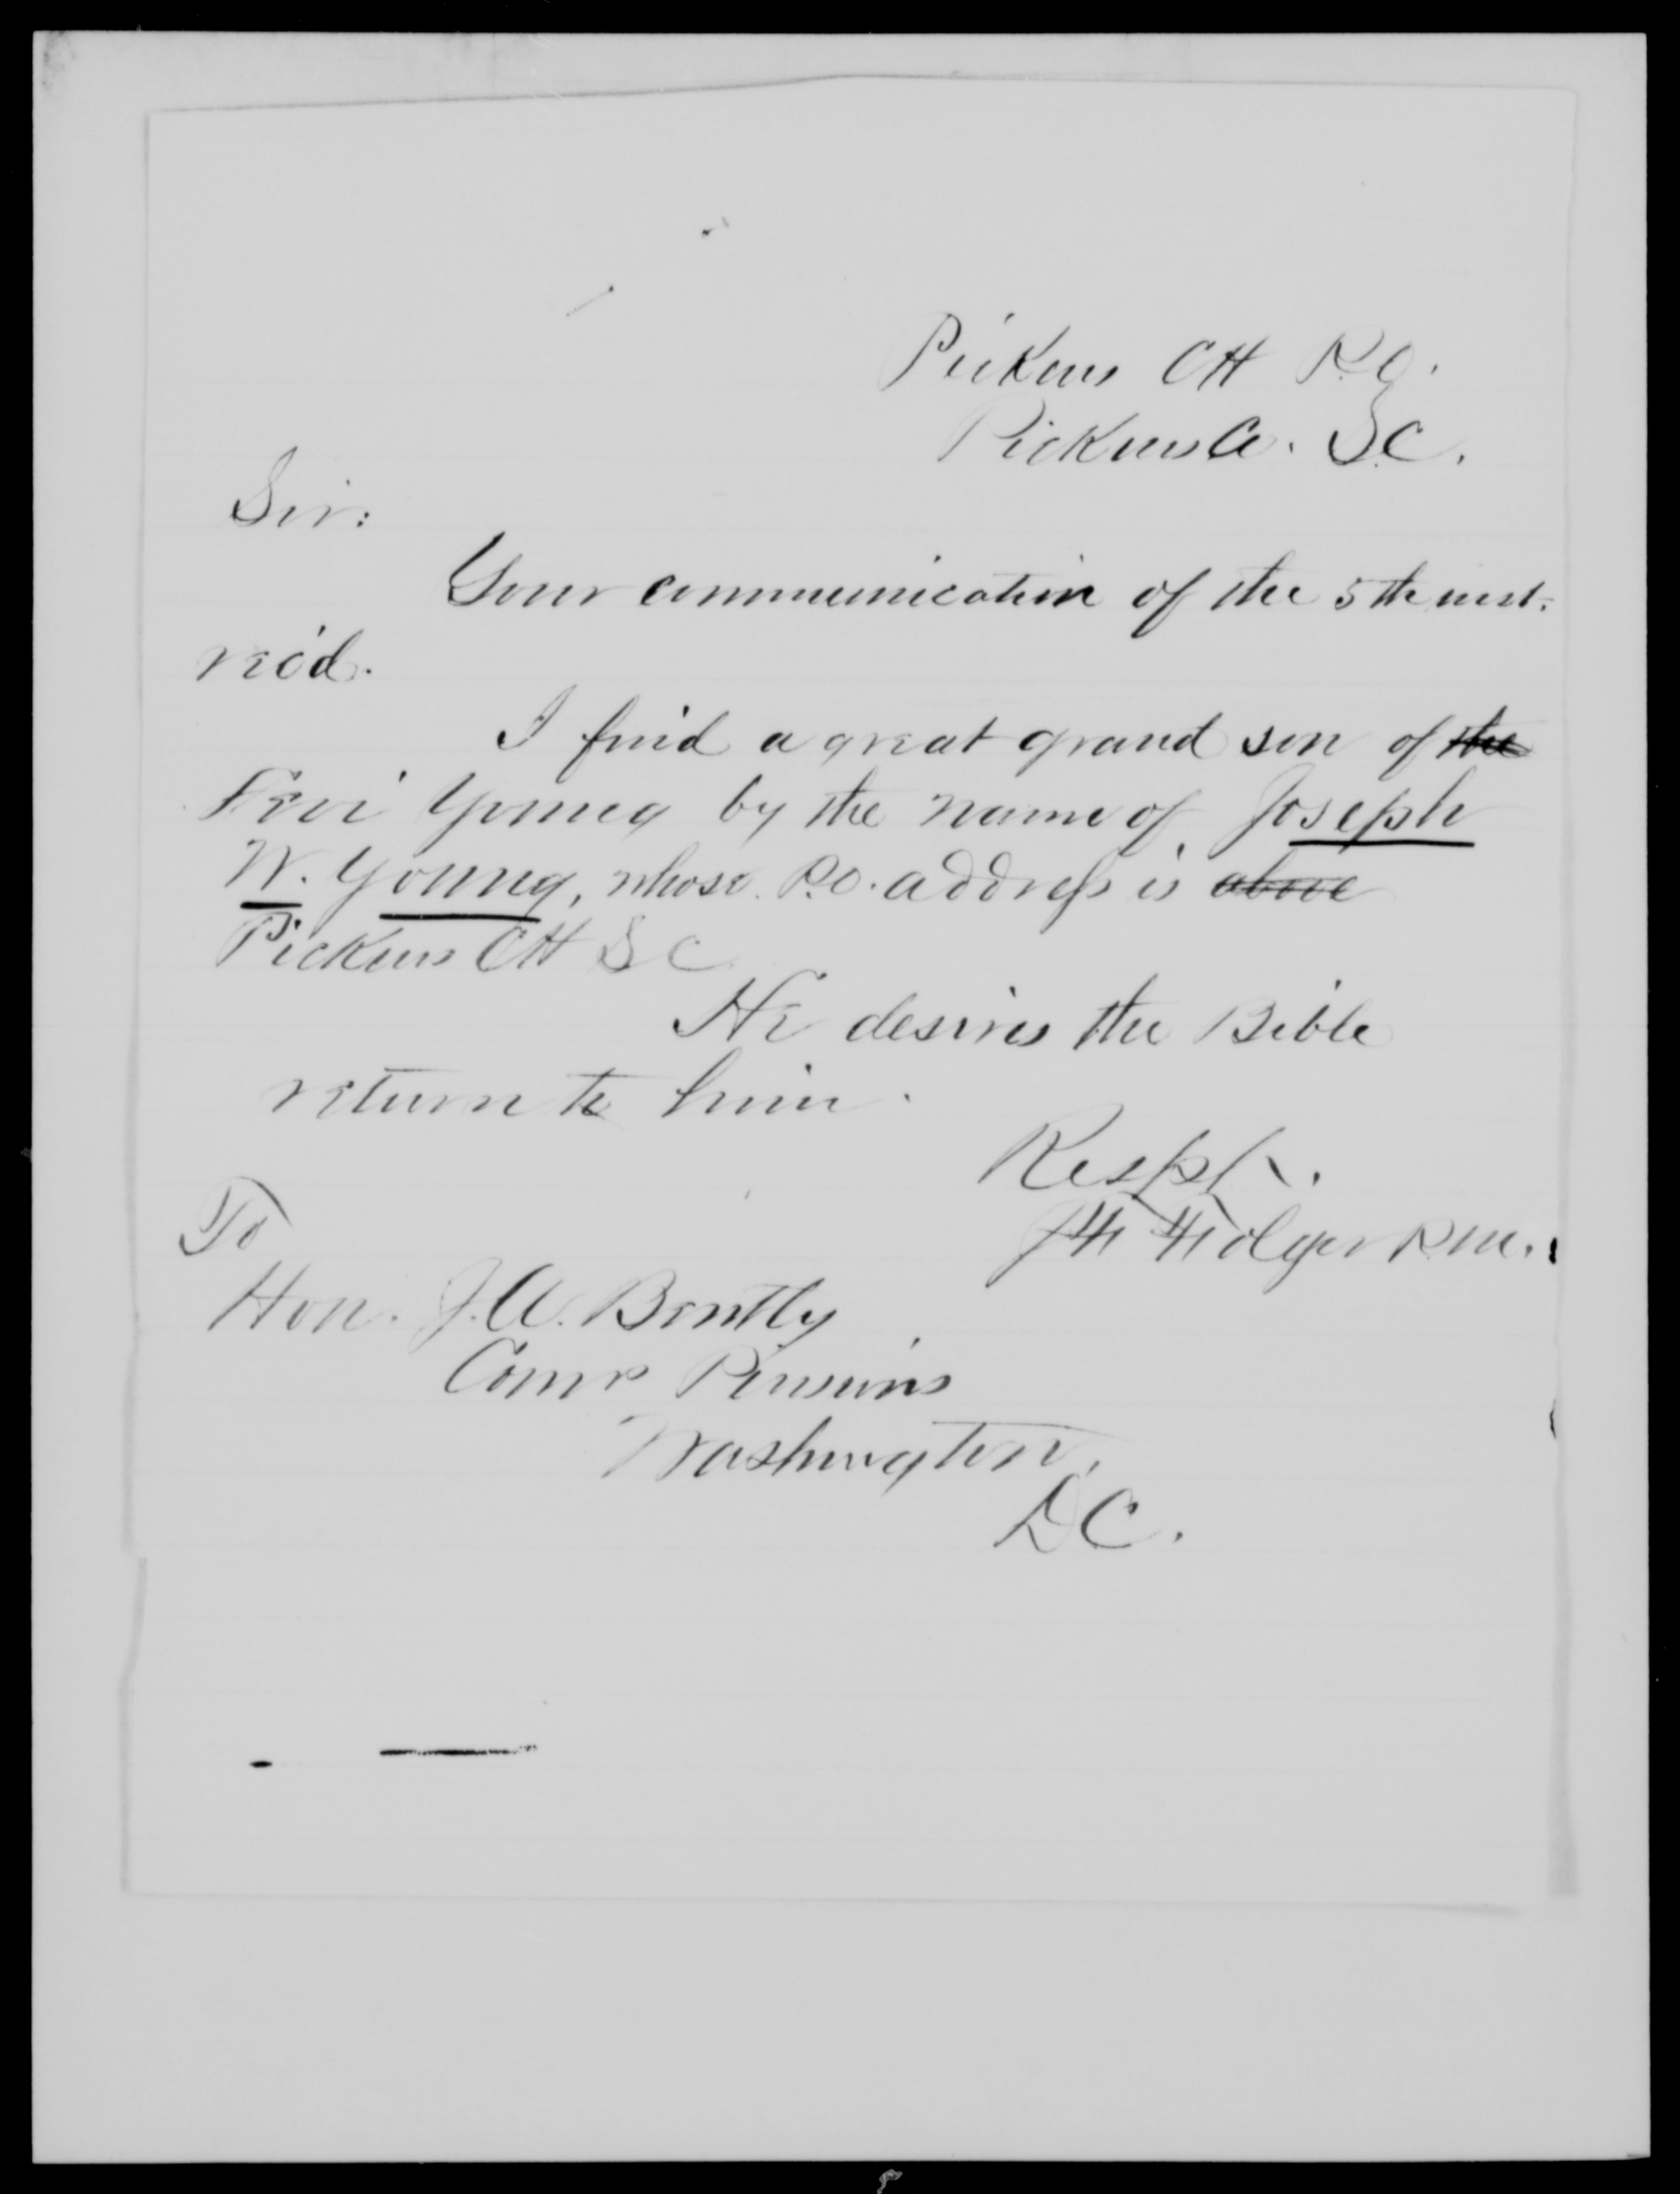Pickens CH [Court House] P.O. {Post Office]
Pickens Co. [County] S.C. [South Carolina]

Sir:
     Your communication of the 5th inst. (sic instant)
rec'd (sic received).

     I find a great grand son of 
Levi Young by the name of Joseph
W. Young, whose P.O. address is
Pickens CH [Court House] SC. [South Carolina]

     He desires the Bible
return (sic returned) to him.
Resply (sic Respectfully),
J.F. Folger (?)

To
Hon. [Honorable] J. [John] A. Bently [Bentley}
Com. [Commissioner of] Pensions
Washington, 
DC.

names: Joseph W Young, J F Folger, J A Bently, Levi Young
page: 48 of 56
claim: widow's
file: W. 9040, Levi Young, Ga. New Jersey S.C.